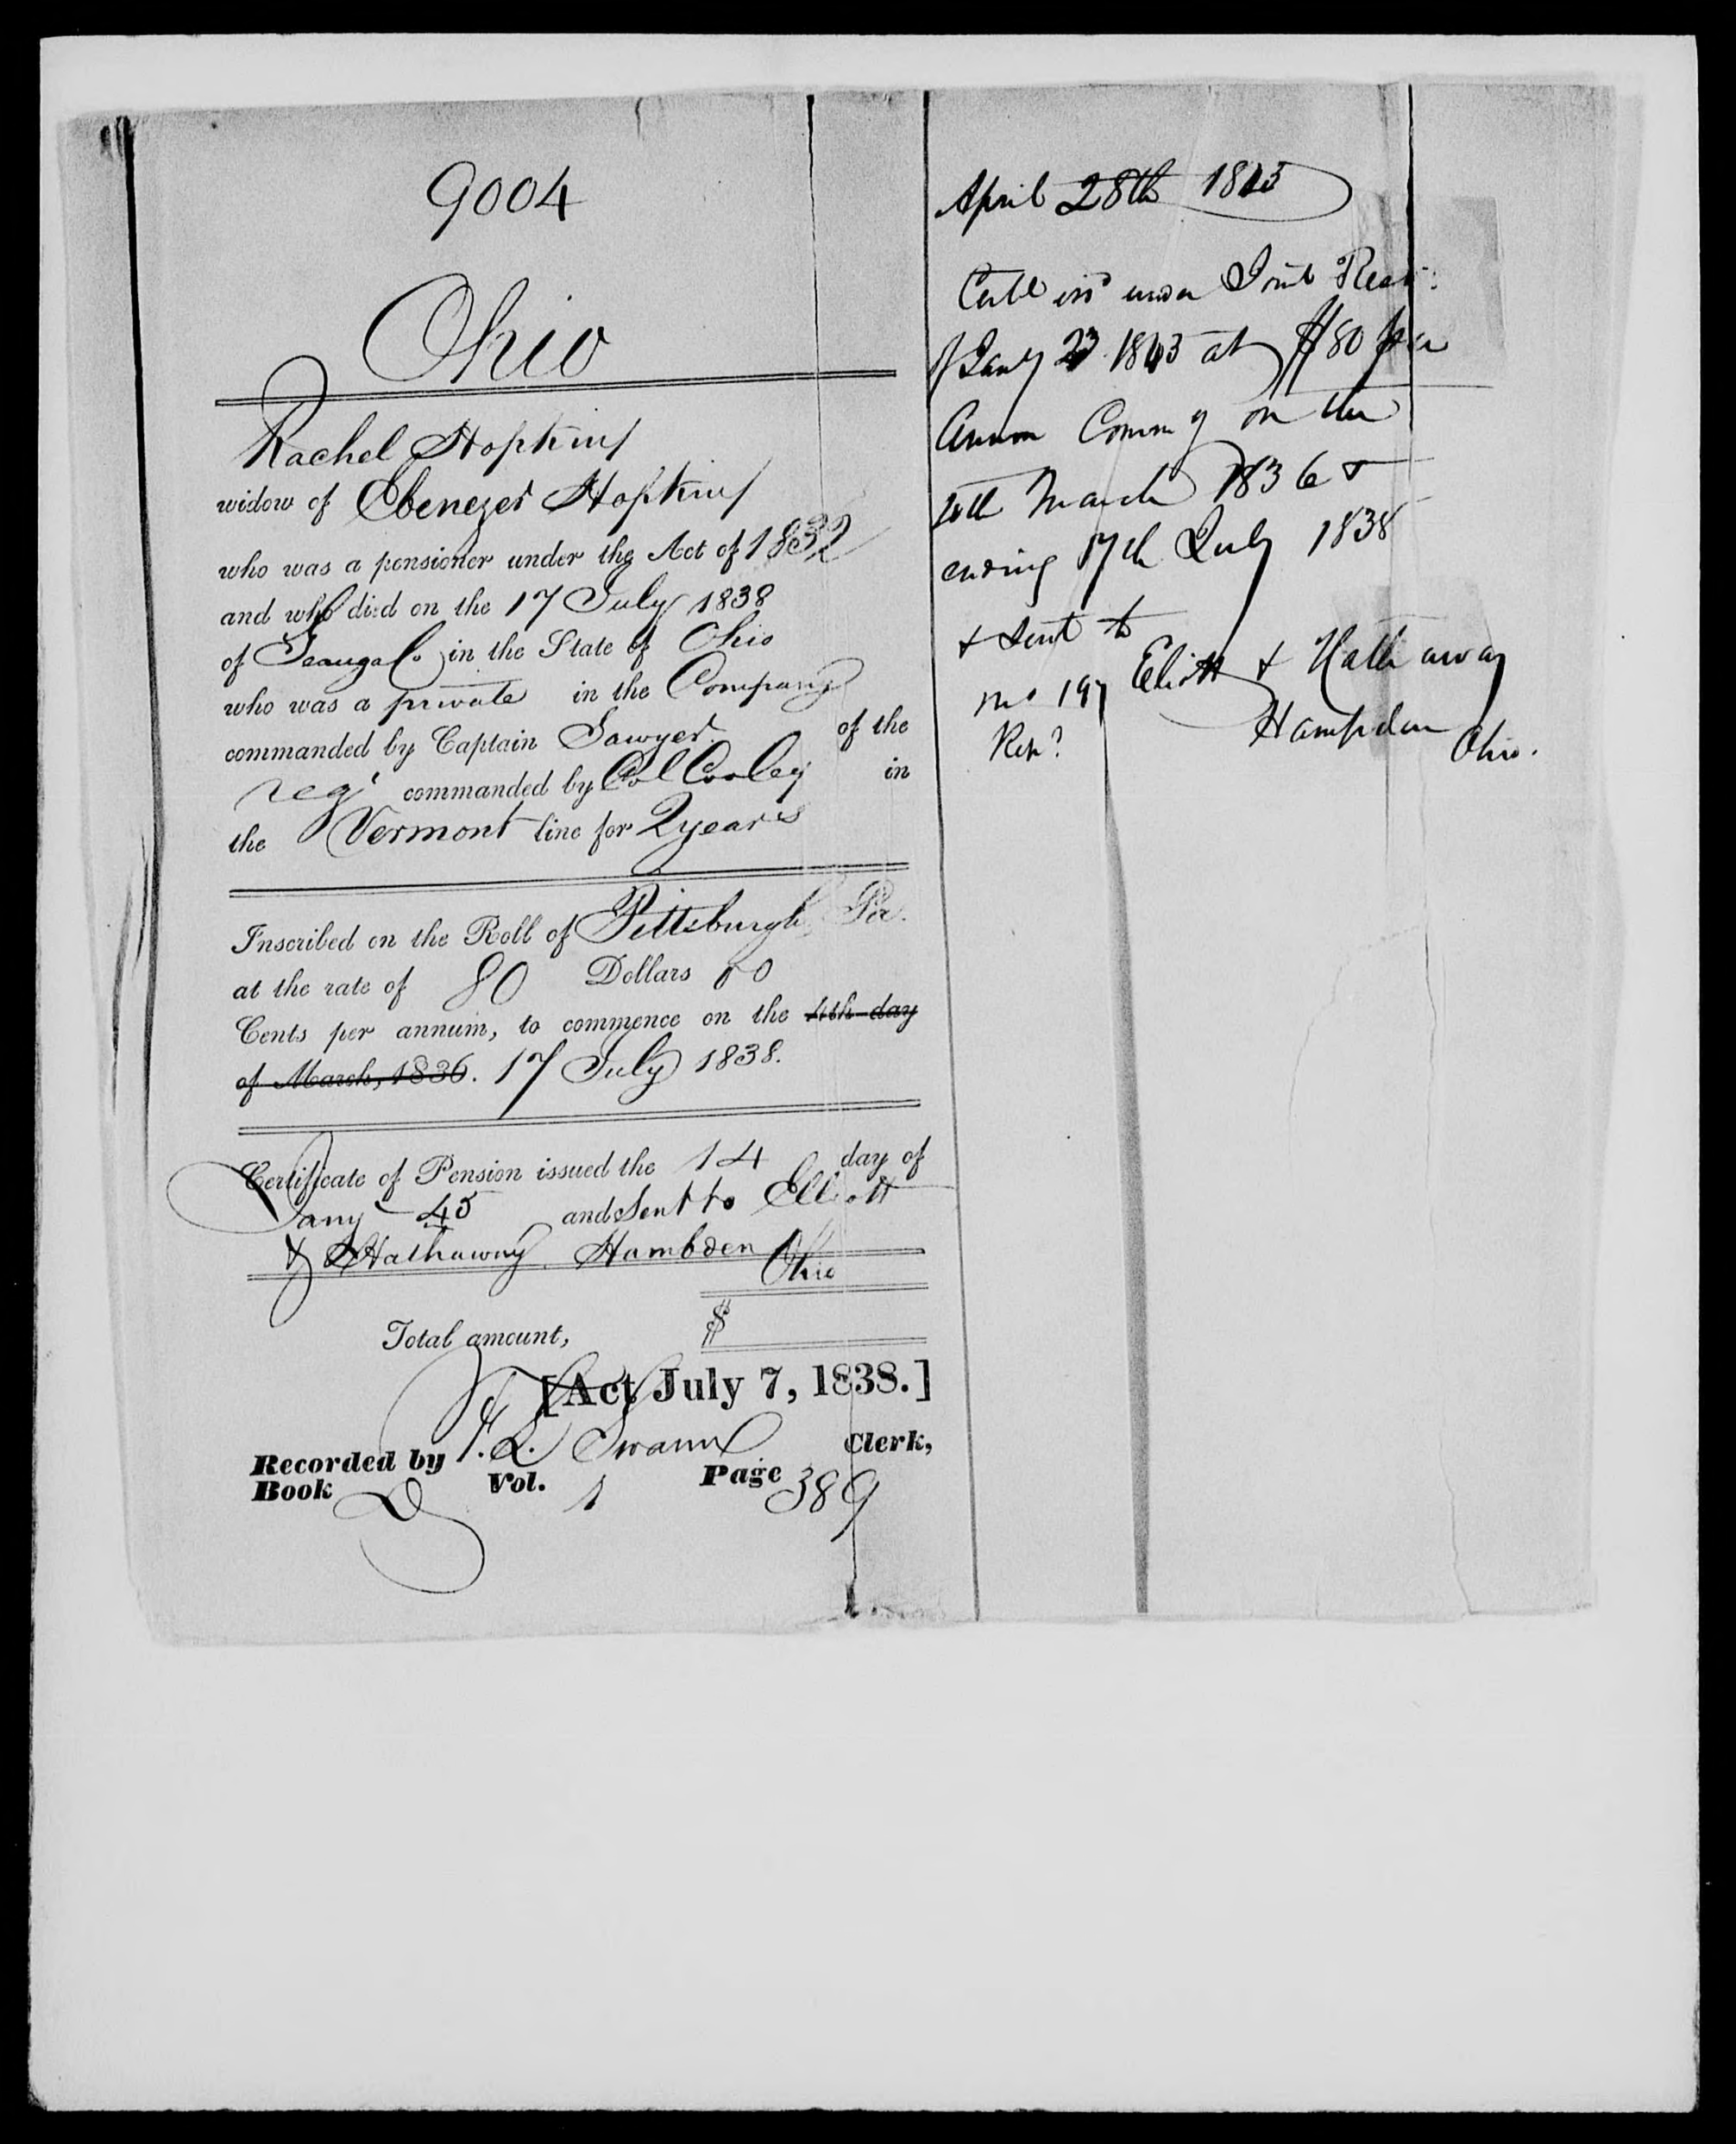2 fold

Left side:

9004
Ohio
Rachel Hopkins
widow of Ebenezer Hopkins
who was a pensioner under the Act of 1832
and who died on the 17 July 1838
of Geauga in the State of Ohio
who was a private in the Company
commanded by Captain Sawyer of the
Reg commanded by Col Cooley in
the Vermont line for 2 years

Inscribed on the Roll of Pittsburgh Pa
at the rate of 80 Dollars 00o
Cents per annum, to commence on the 
17 July 1838

Certificate of Pension issued the 14 day of
Jany 45 and sent to Elliott
& Hathaway Hambden Ohio

Total amount,  $
[Act July 7, 1838.]
Recorded by F.S. Swann Clerk,
Book D Vol. 1 Page 389

Right side:

April 28th 1845
Call ind under joint Rev
of Jany 27. 1843 at $80 per
annum Comm of on the 
Roll March 1836 &
sent to
Mason
ending 17th July 1838
& sent to
Mo 197 Elliott & Hathaway
Rev?
Hampton Ohio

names: Rachel Hopkins, Hathaway, Ebenezer Hopkins, Sawyer, Cooley, Elliott, Eliott, F L Swann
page: 82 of 144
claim: rejected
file: R. 5208, Dennis Hopkins, N.C.